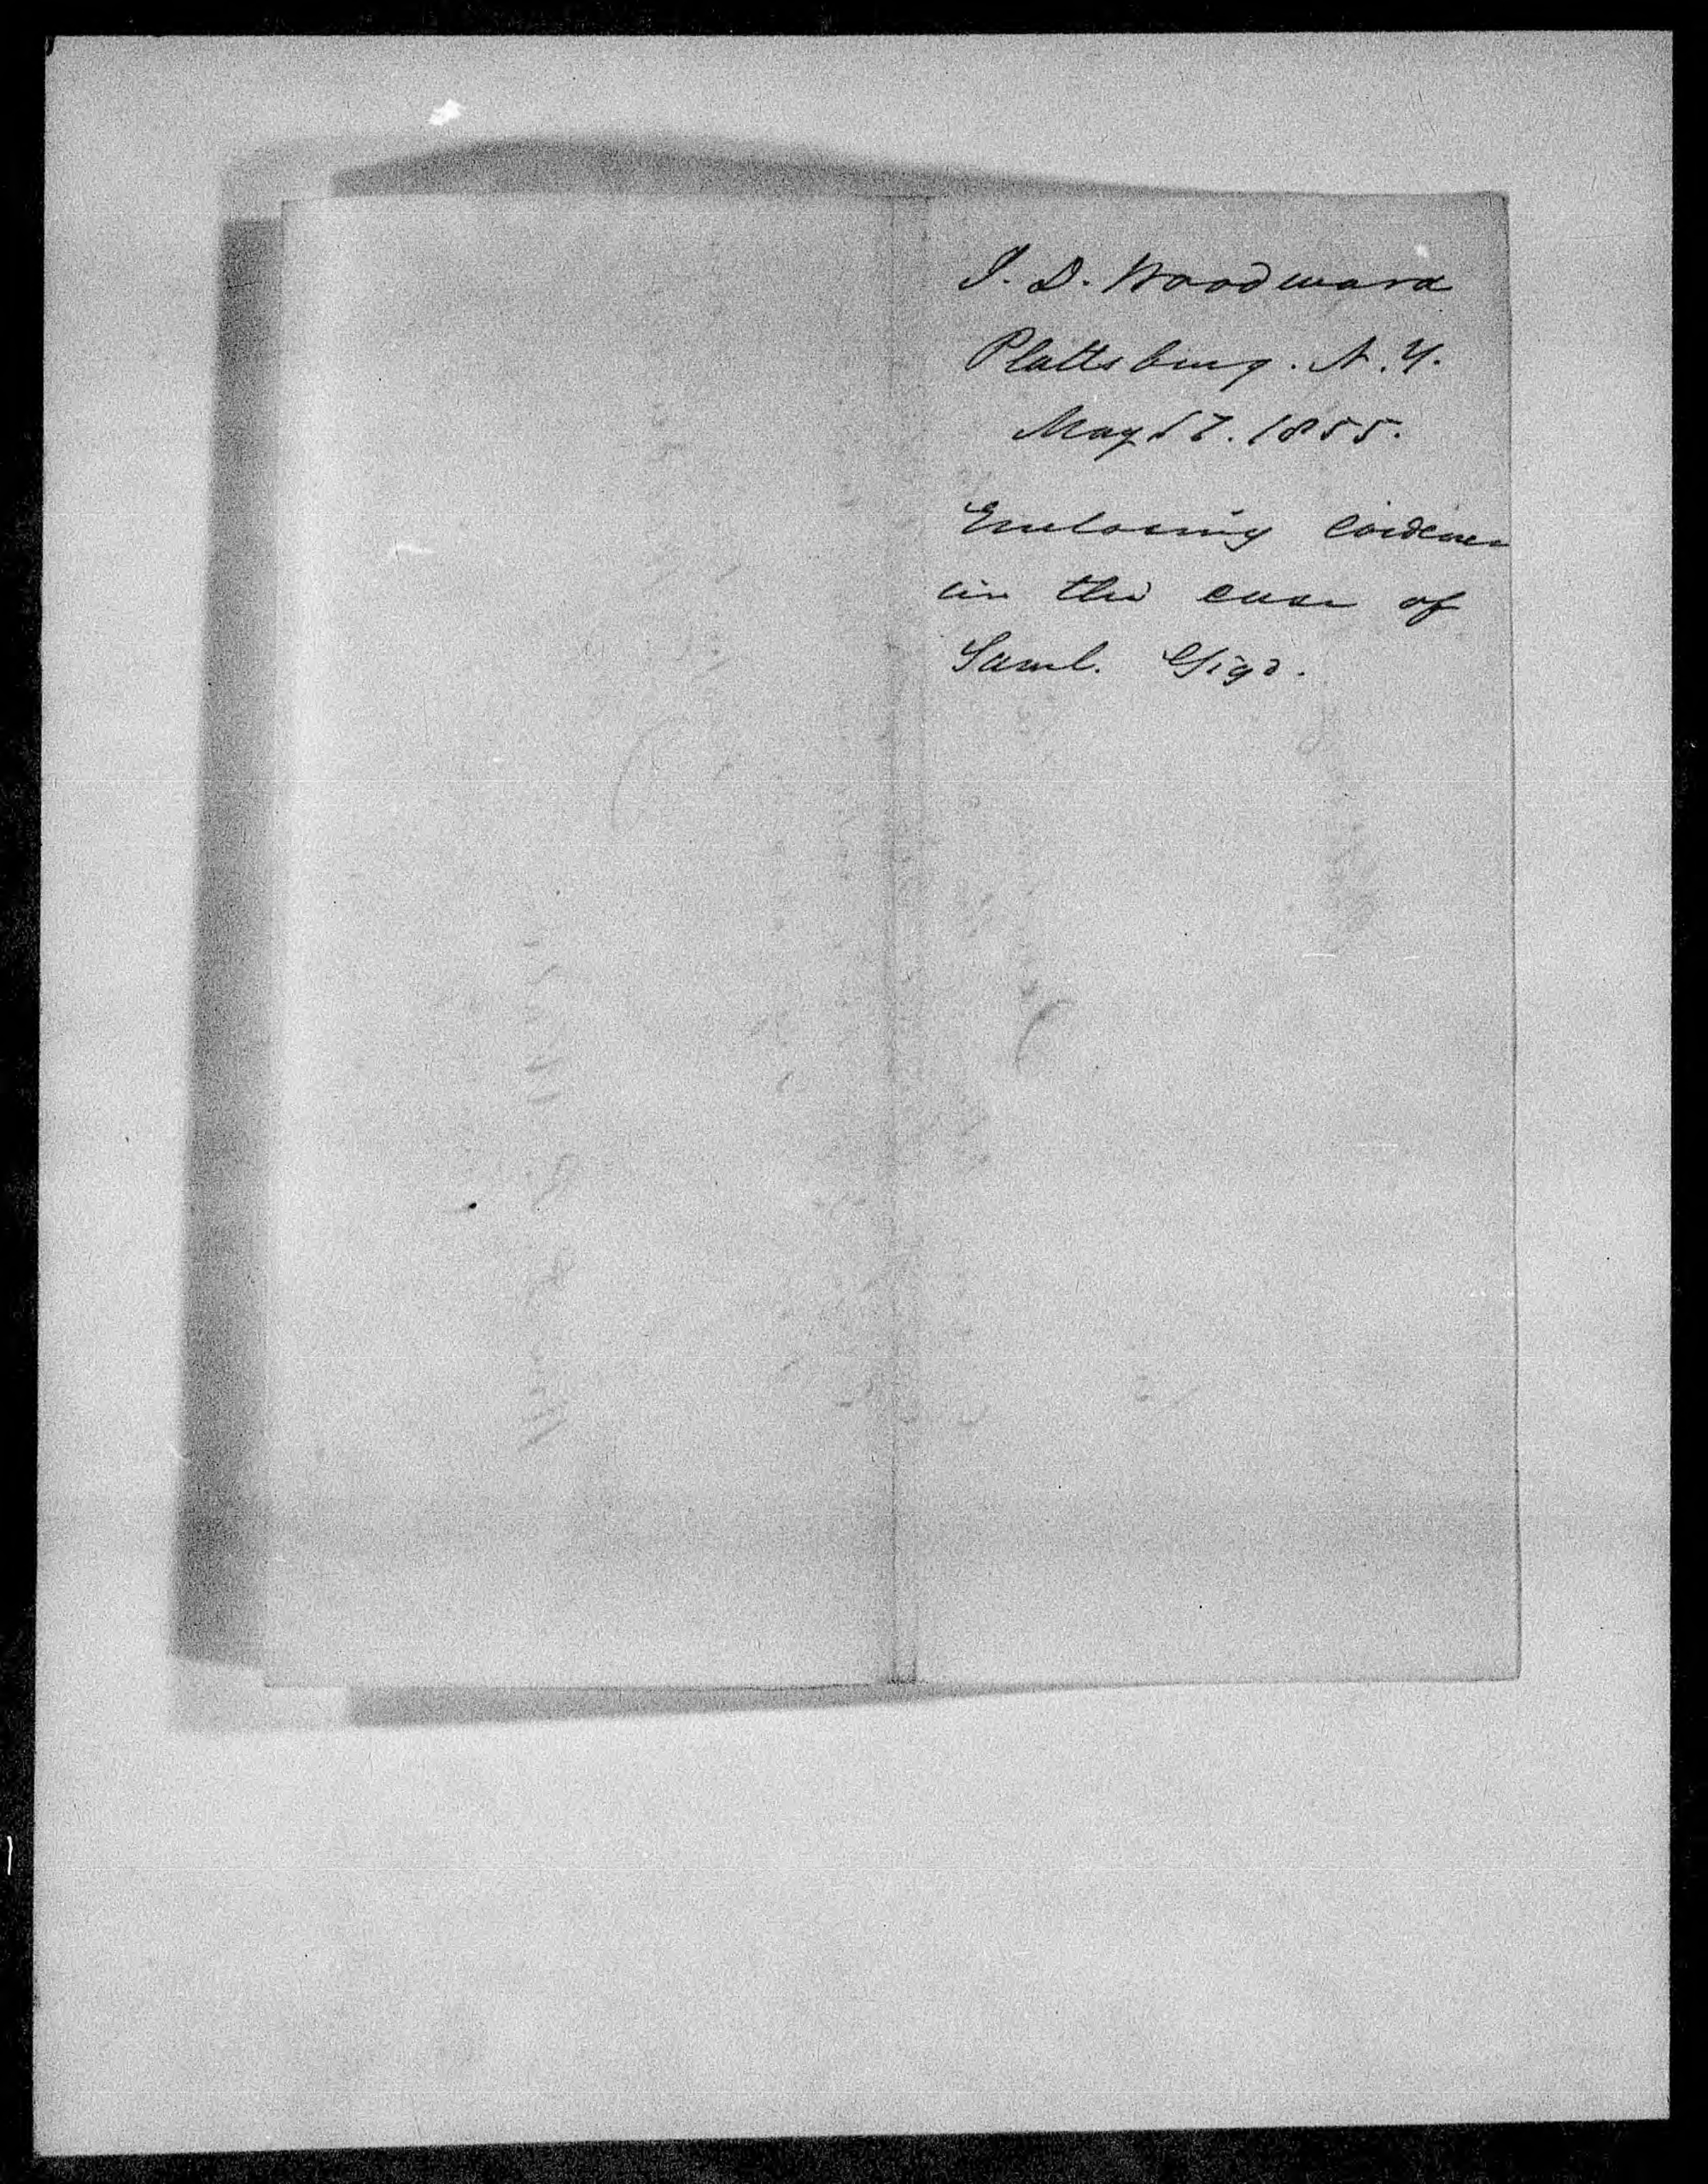J. D. Woodward
Plattsburg, N.Y.
May 17, 1855.
Enclosing evidence in the case of Saml. Gigo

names: J D Woodward, Saml Gigo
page: 60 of 98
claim: widow's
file: W. 21182, Francis Gigo, Continental (Canadian)